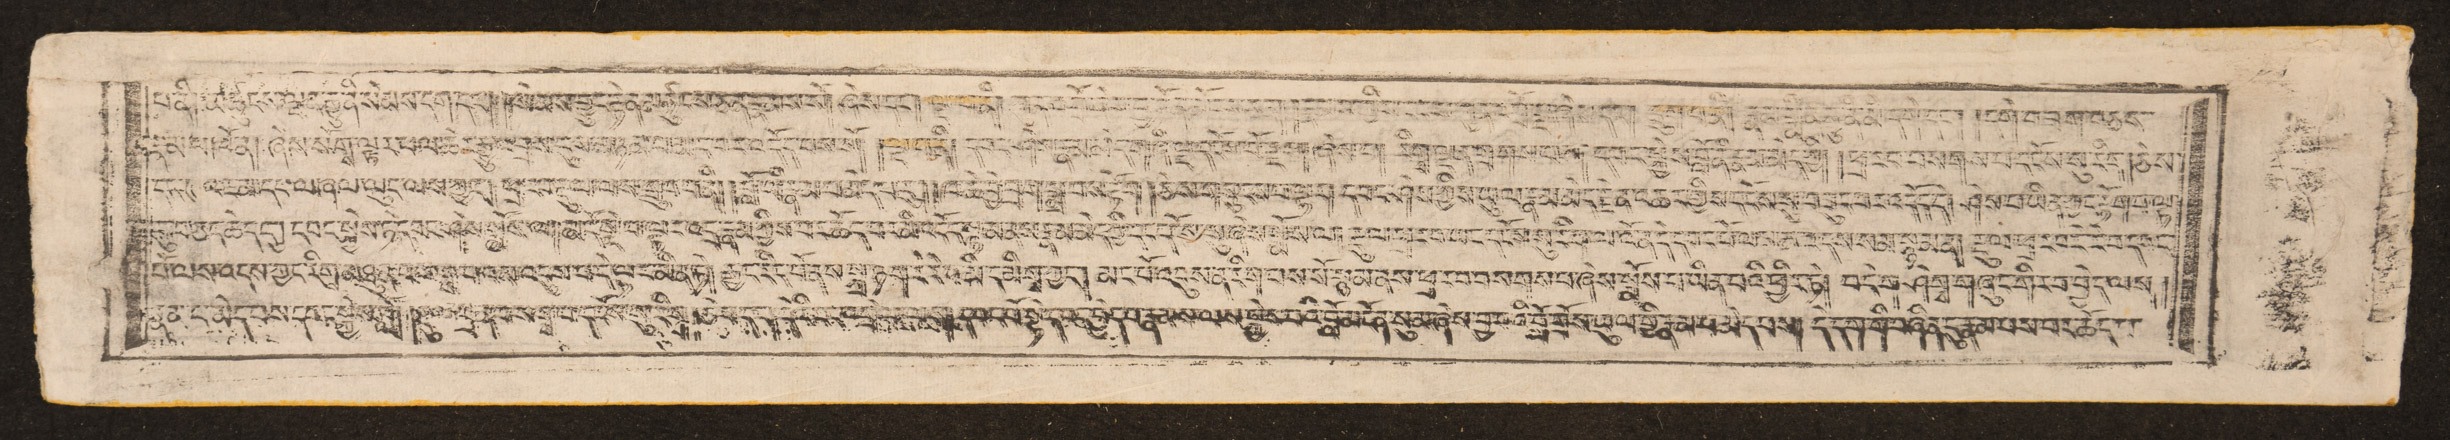པ་ནི། མཚུངས་ལྡན་རྒྱུ་ནི་སེམས་དག་དང་། །སེམས་བྱུང་རྟེན་མཚུངས་ཅན་རྣམས་སོ། ཞེས་དང་། ལྔ་པ་ནི། ཀུན་འགྲོ་ཞེས་བྱ་ཉོན་མོངས་ཅན། །རྣམས་ཀྱིས་རང་ས་ཀུན་འགྲོ་སྔ་ཞེས་དང་། དྲུག་པ་ནི། རྣམ་སྨིན་རྒྱུ་ནི་མི་དགེ་དང་། །དགེ་བ་ཟག་བཅས་
རྣམས་ཁོ་ན། ཞེས་སོགས་ལྟར་ཕལ་ཆེར་རྒྱུ་འབྲས་དུས་མཉམ་པ་མད་པར་འདོད་པས་སོ། །ལྔ་པ་ནི། དབང་ཤེས་རྣམ་མེད་གཞི་ལྔ་དངོས་པོ་རྫས། ཞེས་པ། རིགས་ལྡན་གྲགས་པས། དབང་སྐྱེས་བློ་ནི་རྣམ་མེད་ཀྱི། །ཕྲ་རབ་བསགས་པ་དངོས་སུ་རིག །ཅེས་
དང༑ འཇམ་དཔལ་ཞལ་ལུང་ལས་ཀྱང་། ཕྲ་རབ་རྡུལ་ལས་གྲུབ་པ་ནི། །བློ་ཡི་རྣམ་པ་མེད་པར་རུ། །ཁ་ཆེ་བྱེ་བྲག་སྨྲ་བས་རྟོག །ཅེས་གསུངས་པ་ལྟར། དབང་ཤེས་ཀྱིས་ཡུལ་རྣམ་མེད་རྗེན་འཆར་གྱིས་དངོས་སུ་བཟུད་བར་འདོད་དེ། ཤེས་པ་ཡིན་ཀྱང་རྟོག་པ་ལྟ་
བུ་བཅད་ཆེད་དུ། དབང་སྐྱེས་ཏེ་དབང་ཤེས་སྨོས་ལ། མདོ་སྡེ་པ་ལྟར་འདྲ་རྣམ་ཀྱིས་བར་ཆོད་པར་མི་འདོད་སྙམ་ནས་རྣམ་མེད་ཀྱི་དང་དངོས་སུ་ཞེས་སྨོས་ལ། རྡུལ་ཕྲ་རབ་ཡང་དངོས་སུ་རིག་ལ་འོ་ན་དེ་དབང་པོ་ལས་མ་འདས་སམ་སྙམ་ན། རྡུལ་ཕྲ་རབ་རེ་རེ་བ་དབང་
པོ་ལས་འདས་ཀྱང་རིགས་མཐུན་བསགས་པའམ་འདུས་པ་དེ་ལྟར་མིན་ཏེ། རྒྱང་རིང་པོ་ནས་སྐྲ་ཉག་རེ་རེ་བ་མི་དམིགས་ཀྱང་། མང་པོ་འདུས་ན་རིག་པས་སོ་སྙམ་ནས་ཕྲ་རབ་བསགས་པ་ཞེས་སྨོས་པ་ཡིན་པའི་ཕྱིར་ཏེ། བདེ་གཤེགས་གཞུང་གི་རབ་བྱེད་ལས།།
རྣམ་པ་མེད་པས་དགང་སྐྱེས་བློ། །རྡུལ་ཕྲན་བསགས་པ་དངོས་སུ་རིག །ཅེས་དང་། དེའི་རང་འགྲེལ་ལས། དབང་པོ་སྟེ་དབང་བྱེད་པ་རྣམས་ལས་སྐྱེས་བའི་བློ་མངོན་སུམ་ཞེས་བྱ་བའི་བློ་གྲོས་ཡུལ་གྱི་རྣམ་པ་མེད་པས། དེ་དག་གི་བཞིན་དུ་རྣམ་པས་བར་ཆོད་པ་